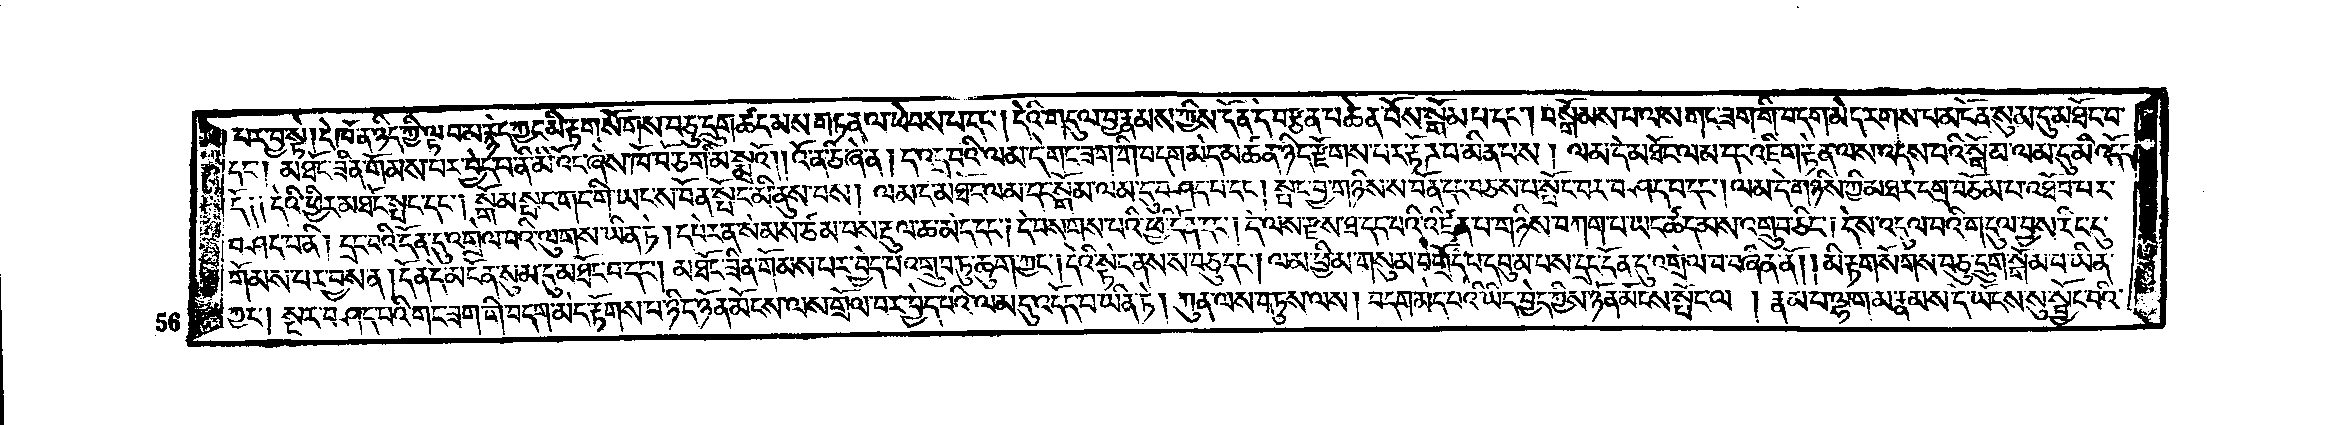པར་བྱ་སྟེ། དེ་ཁོ་ན་ཉིད་ཀྱི་ལྟ་བ་མ་རྙེད་ཀྱང་མི་རྟག་སོགས་བཅུ་དྲུག་ཚད་མས་གཏན་ལ་ཕེབས་པ་དང་། དེའི་གདུལ་བྱ་རྣམས་ཀྱིས་དོན་དེ་བརྩོན་པ་ཆེན་པོས་སྒོམ་པ་དང་། བསྒོམས་པ་ལས་གང་ཟག་གི་བདག་མེད་རགས་པ་མངོན་སུམ་དུ་མཐོང་བ་
དང་། མཐོང་ཟིན་གོམས་པར་བྱེད་པ་ནི་མི་འོང་ཞེས་ཁོ་བོ་ཅག་མི་སྨྲའོ། །འོ་ན་ཅི་ཞེ་ན། དེ་འདྲ་བའི་ལམ་དེ་གང་ཟག་གི་བདག་མེད་མཚན་ཉིད་རྫོགས་པར་རྟོགས་པ་མིན་པས། ལམ་དེ་མཐོང་ལམ་དང་འཇིག་རྟེན་ལས་འདས་པའི་སྒོམ་ལམ་དུ་མི་འདོད་
དོ། །དེའི་ཕྱིར་མཐོང་སྤང་དང་། སྒོམ་སྤང་གང་གི་ཡང་ས་བོན་སྤོང་མི་ནུས་པས། ལམ་དེ་མཐོང་ལམ་དང་སྒོམ་ལམ་དུ་བཤད་པ་དང་། སྤང་བྱ་གཉིས་ས་བོན་དང་བཅས་པ་སྤོང་བར་བཤད་པ་དང་། ལམ་དེ་གཉིས་ཀྱི་མཐར་དགྲ་བཅོམ་པ་འཐོབ་པར་
བཤད་པ་ནི། དྲང་བའི་དོན་དུ་འགྲེལ་བའི་ལུགས་ཡིན་ཏེ། དཔེར་ན་སེམས་ཙམ་པས་རྡུལ་ཆ་མེད་དང་། དེ་བསགས་པའི་ཕྱི་དོན་དང་། དེ་ལས་རྫས་ཐ་དད་པའི་འཛིན་པ་གཉིས་བཀག་པ་ཡང་ཚད་མས་འགྲུབ་ཅིང་། དེས་འདུལ་བའི་གདུལ་བྱས་རིང་དུ་
གོམས་པར་བྱས་ན། དོན་དེ་མངོན་སུམ་དུ་མཐོང་བ་དང་། མཐོང་ཟིན་གོམས་པར་བྱེད་པ་འགྲུབ་ཏུ་ཆུག་ཀྱང་། དེའི་སྟེང་ནས་ས་བཅུ་དང་། ལམ་ཕྱི་མ་གསུམ་བགྲོད་པ་དབུ་མ་པས་དྲང་དོན་དུ་འགྲེལ་བ་བཞིན་ནོ། །མི་རྟག་སོགས་བཅུ་དྲུག་སྒོམ་པ་ཡིན་
ཀྱང་། སྔར་བཤད་པའི་གང་ཟག་གི་བདག་མེད་རྟོགས་པ་ཉིད་ཉོན་མོངས་ལས་གྲོལ་བར་བྱེད་པའི་ལམ་དུ་འདོད་པ་ཡིན་ཏེ། ཀུན་ལས་བཏུས་ལས། བདག་མེད་པའི་ཡིད་བྱེད་ཀྱིས་ཉོན་མོངས་སྤོང་ལ། རྣམ་པ་ལྷག་མ་རྣམས་དེ་ཡོངས་སུ་སྦྱོང་བའི་